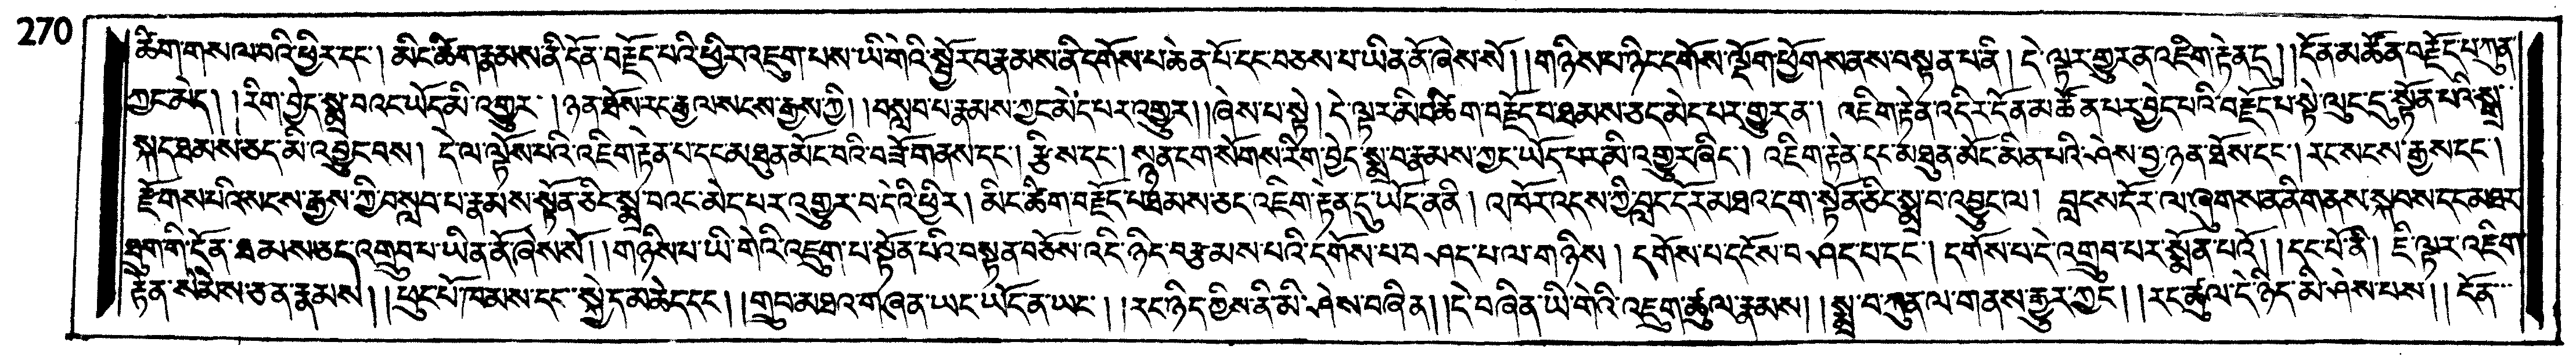ཚིག་གསལ་བའི་ཕྱིར་དང་། མིང་ཚིག་རྣམས་ནི་དོན་བརྗོད་པའི་ཕྱིར་འཇུག་པས་ཡི་གེའི་སྦྱོར་བ་རྣམས་ནི་དགོས་པ་ཆེན་པོ་དང་བཅས་པ་ཡིན་ནོ་ཞེས་སོ། །གཉིས་པ་ཉིད་དགོས་ལྡོག་ཕྱོགས་ནས་བསྟན་པ་ནི། དེ་ལྟར་གྱུར་ན་འཇིག་རྟེན་དུ། །དོན་མཚོན་བརྗོད་པ་ཀུན་
ཀྱང་མེད། །རིག་བྱེད་སྨྲ་བའང་ཡོད་མི་འགྱུར་།ཉན་ཐོས་རང་རྒྱལ་སངས་རྒྱས་ཀྱི། །བསླབ་པ་རྣམས་ཀྱང་མེད་པར་འགྱུར། །ཞེས་པ་སྟེ། དེ་ལྟར་མིང་ཚིག་བརྗོད་པ་ཐམས་ཅད་མེད་པར་གྱུར་ན། འཇིག་རྟེན་འདིར་དོན་མཚོན་པར་བྱེད་པའི་བརྗོད་པ་སྟེ་ལུང་དུ་སྟོན་པའི་སྒྲ་
སྐད་ཐམས་ཅད་མི་འབྱུང་བས། དེ་ལ་ལྟོས་པའི་འཇིག་རྟེན་པ་དང་མཐུན་མོང་བའི་བཟོ་གནས་དང་། རྩིས་དང་། སྙན་ངག་སོགས་རིག་བྱེད་སྨྲ་བ་རྣམས་ཀྱང་ཡོད་པར་མི་འགྱུར་ཞིང་། འཇིག་རྟེན་དང་མཐུན་མོང་མིན་པའི་ཤེས་བྱ་ཉན་ཐོས་དང་། རང་སངས་རྒྱས་དང་།
རྫོགས་པའི་སངས་རྒྱས་ཀྱི་བསླབ་པ་རྣམས་སྟོན་ཅིང་སྨྲ་བའང་མེད་པར་འགྱུར་བ་དེའི་ཕྱིར། མིང་ཚིག་བརྗོད་པ་ཐམས་ཅད་འཇིག་རྟེན་དུ་ཡོད་ན་ནི། འཁོར་འདས་ཀྱི་བླང་དོར་མཐའ་དག་སྟོན་ཅིང་སྨྲ་བ་འབྱུང་ལ། བླངས་དོར་ལ་ཞུགས་ན་ནི་གནས་སྐབས་དང་མཐར་
ཐུག་གི་དོན་ཐམས་ཅད་འགྲུབ་པ་ཡིན་ནོ་ཞེས་སོ། །གཉིས་པ་ཡི་གེའི་འཇུག་པ་སྟོན་པའི་བསྟན་བཅོས་འདི་ཉིད་བརྩམས་པའི་དགོས་པ་བཤད་པ་ལ་གཉིས། དགོས་པ་དངོས་བཤད་པ་དང་། དགོས་པ་དེ་འགྲུབ་པར་སྨོན་པའོ། །དང་པོ་ནི། ཇི་ལྟར་འཇིག་
རྟེན་སེམས་ཅན་རྣམས། །ཕུང་པོ་ཁམས་དང་སྐྱེད་མཆེད་དང་། །གྲུབ་མཐའ་གཞན་ཡང་ཡོད་ན་ཡང་། །རང་ཉིད་ཀྱིས་ནི་མི་ཤེས་བཞིན། །དེ་བཞིན་ཡི་གེའི་འཇུག་ཚུལ་རྣམས། །སྨྲ་བ་ཀུན་ལ་གནས་རྒྱུར་ཀྱང་། །རང་ཚུལ་དེ་ཉིད་མི་ཤེས་པས། །དོན་